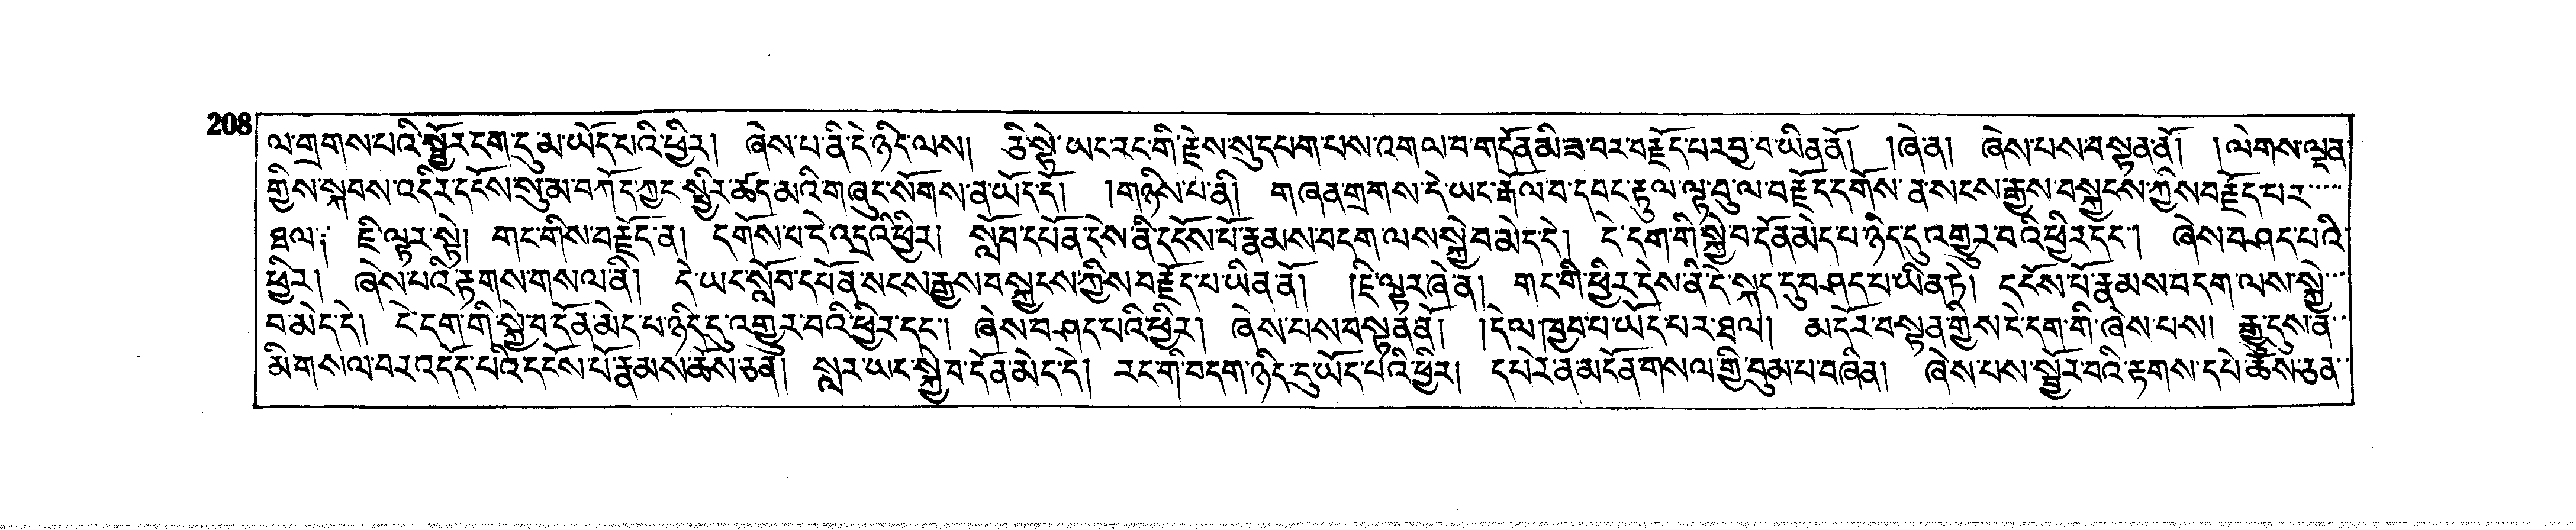ལ་གྲགས་པའི་སྦྱོར་ངག་དུ་མ་ཡོད་པའི་ཕྱིར། ཞེས་པ་ནི་དེ་ཉིད་ལས། ཅི་སྟེ་ཡང་རང་གི་རྗེས་སུ་དཔག་པས་འགལ་བ་གདོན་མི་ཟ་བར་བརྗོད་པར་བྱ་བ་ཡིན་ནོ། །ཞེ་ན། ཞེས་པས་བསྟན་ནོ། །ལེགས་ལྡན་
གྱིས་སྐབས་འདིར་དངོས་སུ་མ་བཀོད་ཀྱང་སྤྱིར་ཚད་མའི་གཞུང་སོགས་ན་ཡོད་དོ། །གཉིས་པ་ནི། གཞན་གྲགས་དེ་ཡང་རྒོལ་བ་དབང་རྟུལ་ལྟ་བུ་ལ་བརྗོད་དགོས་ན་སངས་རྒྱས་བསྐྱངས་ཀྱིས་བརྗོད་པར་
ཐལ། ཇི་ལྟར་སྟེ། གང་གིས་བརྗོད་ན། དགོས་པ་དེ་འདྲའི་ཕྱིར། སློབ་དཔོན་དེས་ནི་དངོས་པོ་རྣམས་བདག་ལས་སྐྱེ་བ་མེད་དེ། དེ་དག་གི་སྐྱེ་བ་དོན་མེད་པ་ཉིད་དུ་འགྱུར་བའི་ཕྱིར་དང་། ཞེས་བཤད་པའི་
ཕྱིར། ཞེས་པའི་རྟགས་གསལ་ནི། དེ་ཡང་སློབ་དཔོན་སངས་རྒྱས་བསྐྱངས་ཀྱིས་བརྗོད་པ་ཡིན་ནོ། །ཇི་ལྟར་ཞེ་ན། གང་གི་ཕྱིར་དེས་ནི་དེ་སྐད་དུ་བཤད་པ་ཡིན་ཏེ། དངོས་པོ་རྣམས་བདག་ལས་སྐྱེ་
བ་མེད་དེ། དེ་དག་གི་སྐྱེ་བ་དོན་མེད་པ་ཉིད་དུ་འགྱུར་བའི་ཕྱིར་དང་། ཞེས་བཤད་པའི་ཕྱིར། ཞེས་པས་བསྟན་ནོ། །དེ་ལ་ཁྱབ་པ་ཡོད་པར་ཐལ། མདོར་བསྟན་གྱིས་དེ་དག་གི་ཞེས་པས། རྒྱུ་དུས་ན་
མི་གསལ་བར་འདོད་པའི་དངོས་པོ་རྣམས་ཆོས་ཅན། སླར་ཡང་སྐྱེ་བ་དོན་མེད་དེ། རང་གི་བདག་ཉིད་དུ་ཡོད་པའི་ཕྱིར། དཔེར་ན་མངོན་གསལ་གྱི་བུམ་པ་བཞིན། ཞེས་པས་སྦྱོར་བའི་རྟགས་དཔེ་ཆོས་ཅན་